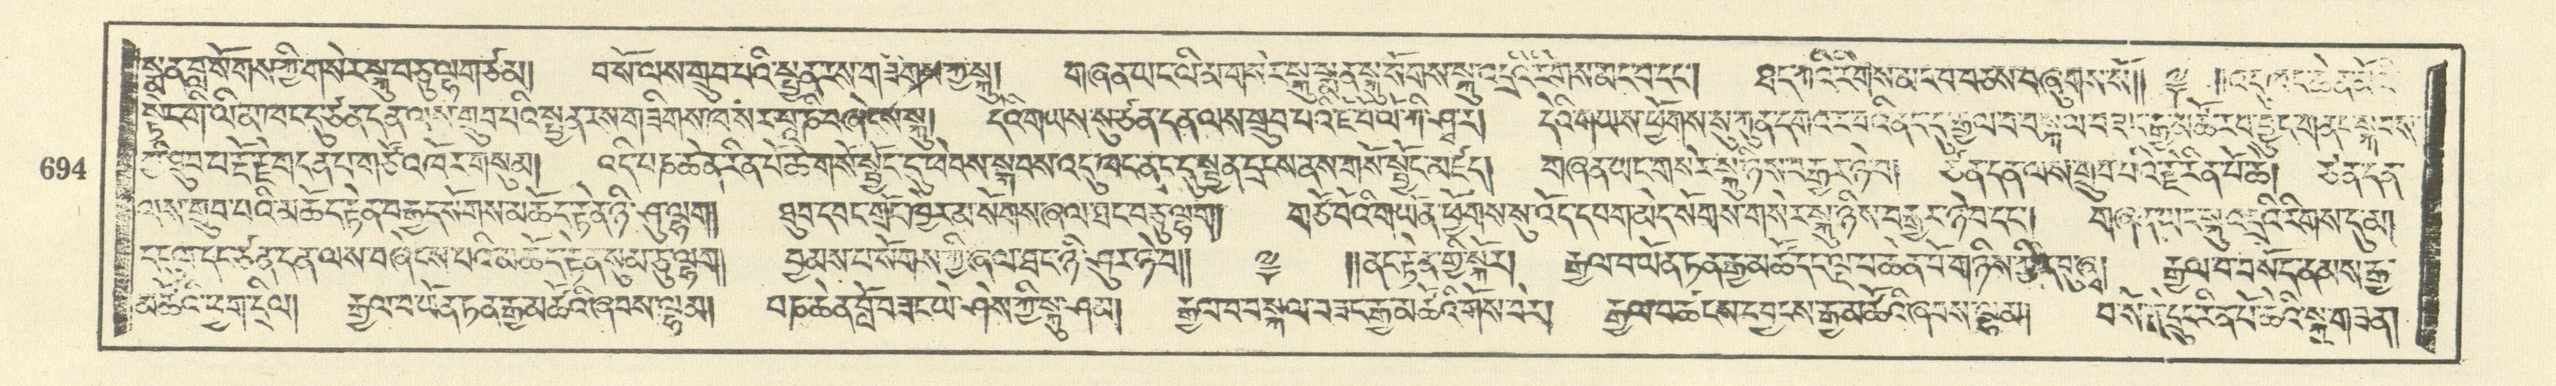སྨན་བླ་སོགས་ཀྱི་གསེར་སྐུ་བཅུ་ལྷག་ཙམ། བ་སོ་ལས་གྲུབ་པའི་སྤྱན་རས་གཟིགས་ཀྱི་སྐུ། གཞན་ཡང་ལི་མ་གསེར་སྐུ་སྨན་སྐུ་སོགས་སྐུ་འདྲའི་རིགས་མང་བ་དང་། ཐང་ཀའི་རིགས་མང་བ་བཅས་བཞུགས་སོ།། ༈ །།འདུ་ཁང་ཆེན་མོའི་
སྟེང་གི་ལི་མ་ཁང་དུ་ཙན་དན་ལས་གྲུབ་པའི་སྤྱན་རས་གཟིགས་ཁ་སར་པཱ་ཎི་བཞེངས་སྐུ། དེའི་གཡས་སུ་ཙན་དན་ལས་གྲུབ་པའི་ཇོ་བོ་ལོ་ཀི་ཤྭ་ར། དེའི་གཡས་ཕྱོགས་སུ་ཀུན་དགའ་ར་བའི་ནང་དུ་རྒྱལ་བ་བསྐལ་བཟང་རྒྱ་མཚོ་རབ་བྱུང་གནང་སྐབས་
ཀྱི་ཐུབ་པ་རྡོ་རྗེ་གདན་པ་གཙོ་འཁོར་གསུམ། འདི་པཎ་ཆེན་རིན་པོ་ཆེ་གསོ་སྦྱོང་དུ་ཕེབས་སྐབས་འདུ་ཁང་ནང་དུ་སྦྱན་དྲངས་ནས་གསོ་སྦྱོང་མཛད། གཞན་ཡང་གསེར་སྐུ་ཉིས་བརྒྱར་ཉེ་བ། ཙན་དན་ལས་གྲུབ་པའི་རྗེ་རིན་པོ་ཆེ། ཙན་དན་
ལས་གྲུབ་པའི་མཆོད་རྟེན་བརྒྱད་སོགས་མཆོད་རྟེན་ཉི་ཤུ་ལྷག། ཐུབ་དབང་གྲོང་ཁྱེར་མ་སོགས་ཞལ་ཐང་བཅུ་ལྷག། གཙོ་བོའི་གཡོན་ཕྱོགས་སུ་འོད་དཔག་མེད་སོགས་གསེར་སྐུ་ཉིས་བརྒྱར་ཉེ་བ་དང་། གཞན་ཡང་སྐུ་འདྲའི་རིགས་དུ་མ།
དངུལ་དང་ཙན་དན་ལས་བཞེངས་པའི་མཆོད་རྟེན་སུམ་ཅུ་ལྷག། བྱམས་པ་སོགས་ཀྱི་ཞལ་ཐང་ཉི་ཤུར་ཉེ་བ།། ༈ །།ནང་རྟེན་གྱི་སྐོར། རྒྱལ་བ་ཡོན་ཏན་རྒྱ་མཚོ་དང་ལྔ་པ་ཆེན་པོ་གཉིས་ཀྱི་དབུ་ཞྭ། རྒྱལ་བ་བསོད་ནམས་རྒྱ་
མཚོའི་ཕྱག་དྲིལ། རྒྱལ་བ་ཡོན་ཏན་རྒྱ་མཚོའི་ཞབས་ལྷམ། པཎ་ཆེན་བློ་བཟང་ཡེ་ཤེས་ཀྱི་སྐུ་ཤམ། རྒྱལ་བ་བསྐལ་བཟང་རྒྱ་མཚོའི་གོས་བེར། རྒྱལ་བ་ཚངས་དབྱངས་རྒྱ་མཚོའི་ཞབས་ལྷམ། བ་སོ་རྗེ་དྲུང་རིན་པོ་ཆེའི་སྐུ་གཟན།